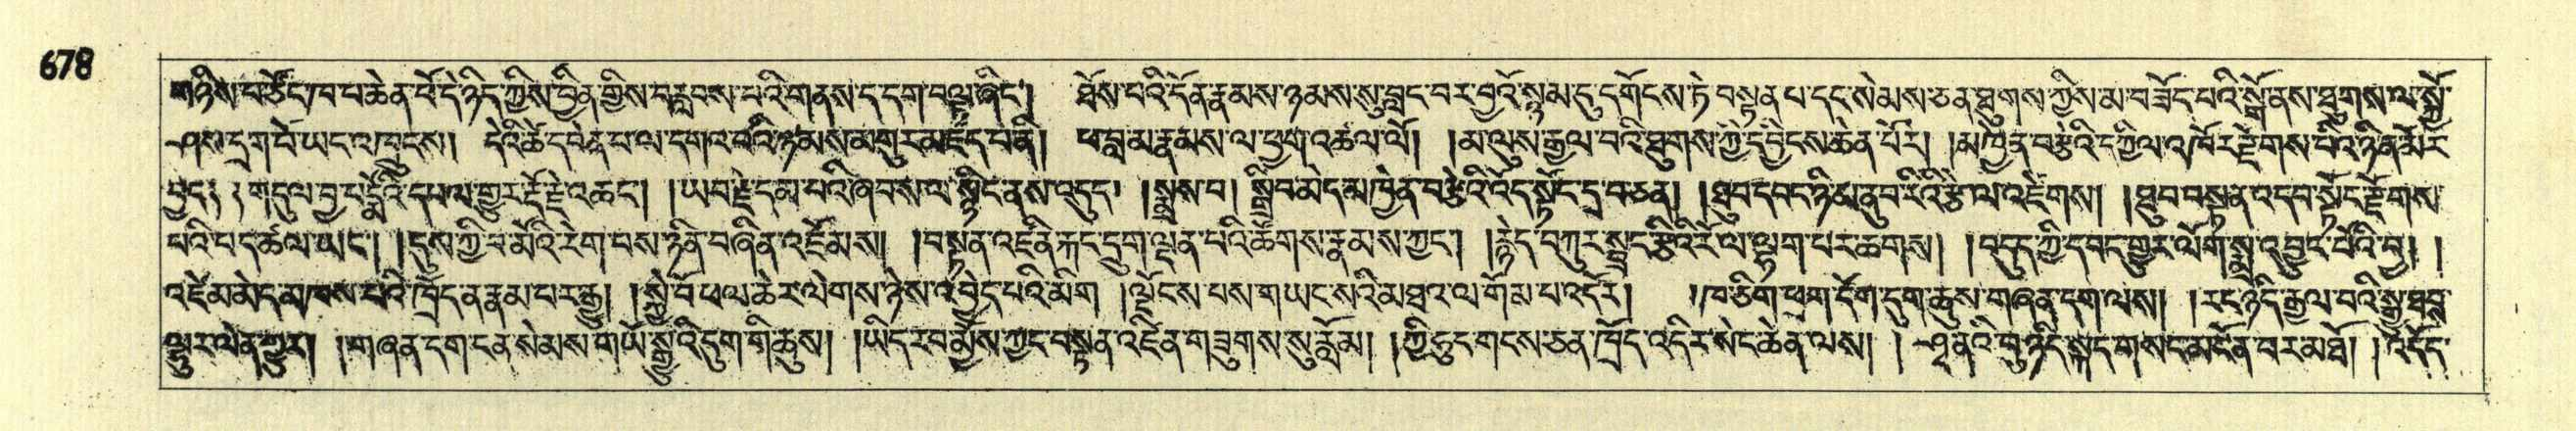གཉིས་པ་ཙོང་ཁ་པ་ཆེན་པོ་དེ་ཉིད་ཀྱིས་བྱིན་གྱིས་བརླབས་པའི་གནས་ད་དག་བལྟ་ཞིང་། ཐོས་པའི་དོན་རྣམས་ཉམས་སུ་བླང་བར་བྱའོ་སྙམ་དུ་དགོངས་ཏེ་བསྟན་པ་དང་སེམས་ཅན་ཐུགས་ཀྱིས་མ་བཟོད་པའི་སྒོ་ནས་ཐུགས་ལ་སྐྱོ་
ཤས་དྲག་པོ་ཡང་འཁྲུངས། དེའི་ཚེ་དབེན་པ་ལ་དགའ་བའི་ཉམས་མགུར་མཛད་པ་ནི། ཕ་བླ་མ་རྣམས་ལ་ཕྱག་འཚལ་ལོ། །མ་ལུས་རྒྱལ་བའི་ཐུགས་ཀྱི་དབྱིངས་ཆེན་པོར། །མཁྱེན་བརྩེའི་དཀྱིལ་འཁོར་རྫོགས་པའི་ཉིན་མོར་
བྱེད༑ ༑གདུལ་བྱ་པདམོའི་དཔལ་གྱུར་རྡོ་རྗེ་འཆང་། །ཡབ་རྗེ་དམ་པའི་ཞབས་ལ་སྙིང་ནས་འདུད། །སྨྲས་པ། སྒྲིབ་མེད་མཁྱེན་བརྩེའི་འོད་སྟོང་དྲ་བ་ཅན། །ཐུབ་དབང་ཉི་མ་ནུབ་རིའི་རྩེ་ལ་འཛེགས། །ཐུབ་བསྟན་འདབ་སྟོང་རྫོགས་
པའི་པད་ཚལ་ཡང་། །དུས་ཀྱི་བ་མོའི་རེག་པས་ཉིན་བཞིན་འཇོམས། །བསྟན་འཛིན་རྐང་དྲུག་ལྡན་པའི་ཚོགས་རྣམས་ཀྱང་། །རྙེད་བཀུར་སྦྲང་རྩིའི་རོ་ལ་ལྷག་པར་ཆགས། །བདུད་ཀྱི་དབང་གྱུར་ལོག་སྨྲ་འབྱུང་པོའི་བྱ། །
འཛེམ་མེད་མཁས་པའི་ཁྲོད་ན་རྣམ་པར་རྒྱུ། །སྐྱེ་བོ་ཕལ་ཆེར་ལེགས་ཉེས་འབྱེད་པའི་མིག །ལྗོངས་པས་གཡང་སའི་མཐའ་ལ་གོམ་པ་འདོར། །ཁ་ཅིག་ཕྲག་དོག་དུག་ཆུས་གཞན་དག་ལས། །རང་ཉིད་རྒྱལ་བའི་སྒྱུ་ཐབས་
ལྷུར་ལེན་གྱུར། །གཞན་དག་ངན་སེམས་གཡོ་སྒྱུའི་དུག་གི་ཆུས། །ཡིད་རབ་མྱོས་ཀྱང་བསྟན་འཛིན་གཟུགས་སུ་རློམ། །ཀྱི་ཧུད་གངས་ཅན་ཁྲིད་འདིར་སེང་ཆེན་ལས། །ཤྭ་ནའི་བུ་ཉིད་སྐད་གསང་མངོན་བར་མཐོ། །འདོད་